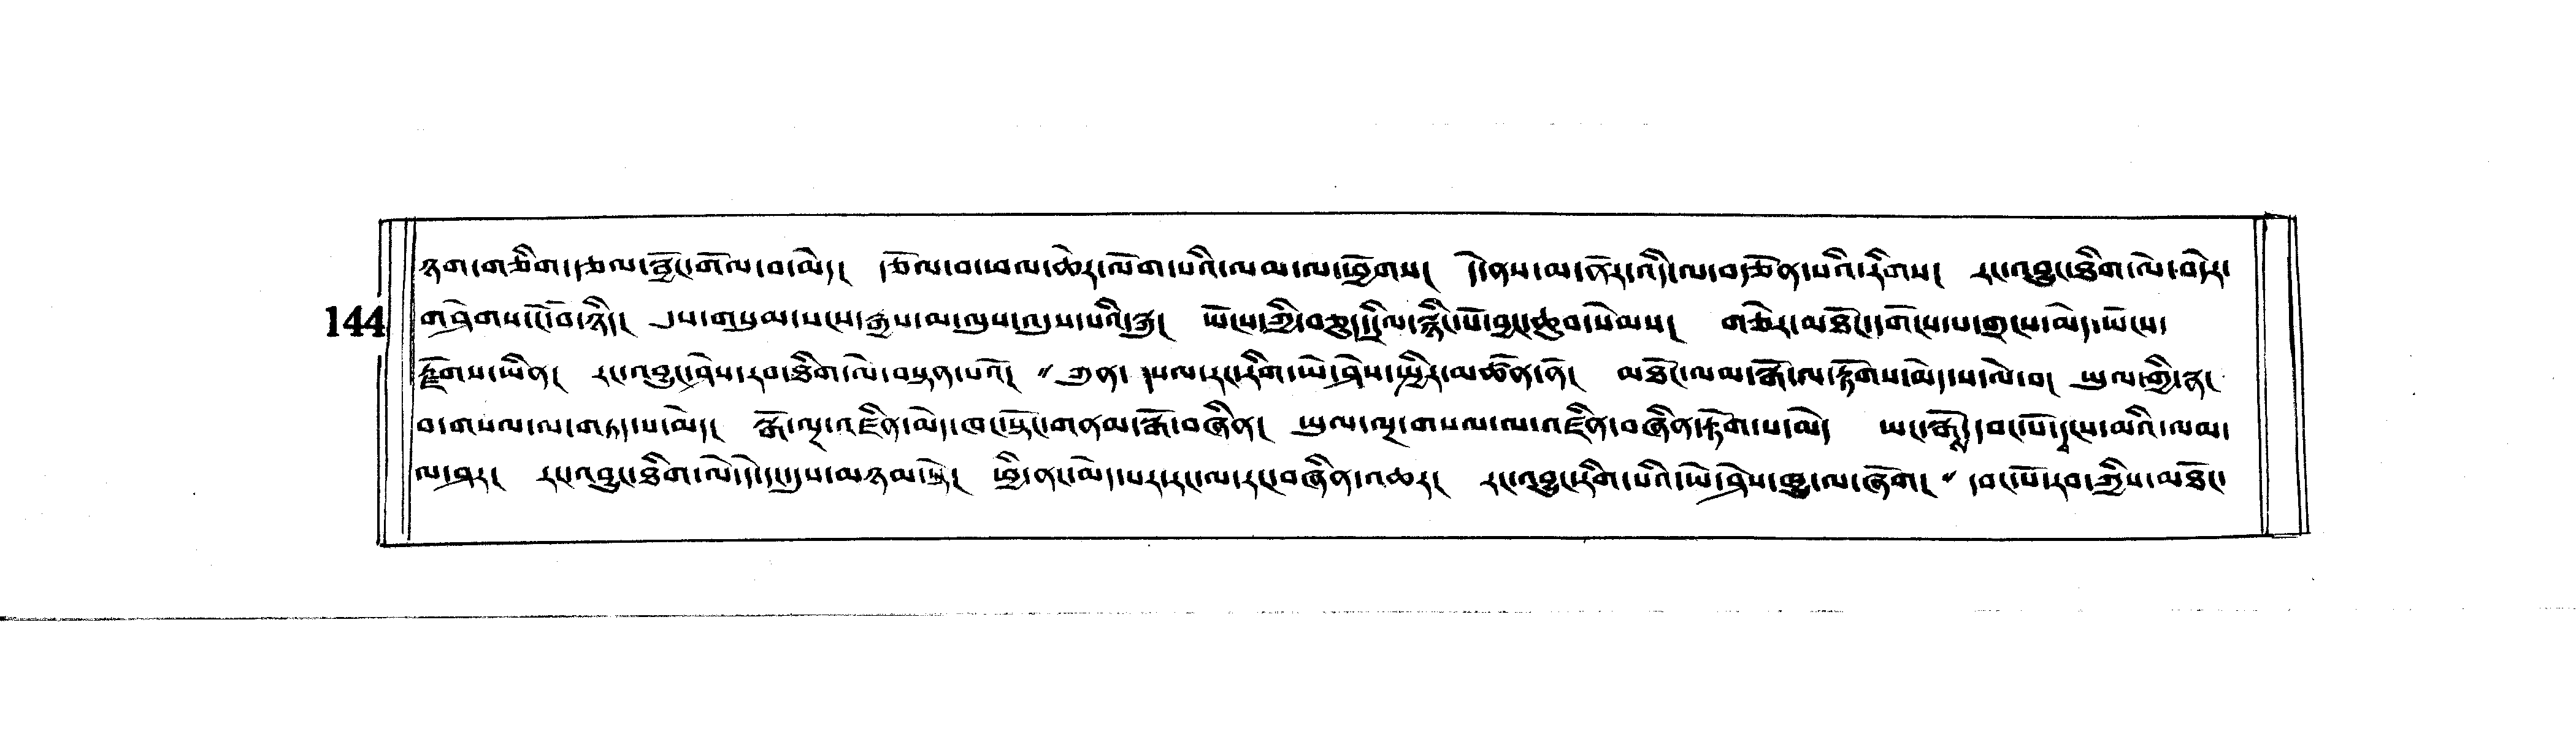ཉག་གཅིག་རྩལ་སྦྱོང་གོལ་བ་མེད། རྩོལ་བ་ཕལ་ཆེར་ལོག་པའི་ལམ་ལ་ཕྱོགས། དེ་ནས་མ་ནོར་འདི་ལ་བརྩོན་པའི་རིགས། རང་འབྱུང་ཐིག་ལེ་བདེར་
གཤེགས་ངོ་བོ་ཉིད། དུས་གསུམ་སངས་རྒྱས་མ་ལུས་འདུས་པའི་སྐུ། ཡོངས་ཀྱི་བཅུད་དྲིལ་སྙིང་པོ་བྱང་ཆུབ་སེམས། གཅེར་མཐོང་དགོངས་པ་གྲངས་མེད་ཡོངས་
རྫོགས་ཡིན། རང་འབྱུང་ཤེས་རབ་ཐིག་ལེ་བསྟན་པའོ། ༧ ཀུན་དཔལ་རང་རིག་ཡེ་ཤེས་སྤྱིར་མཚོན་ནོ། མཐོང་ལམ་སྒོ་ལ་རྟོག་མེད་ས་ལེ་བ། ཡུལ་གྱི་སྣང་
བ་གསལ་ལ་གཏད་པ་མེད། སྒོ་ལྔ་འཛིན་མེད་ཁང་སྟོང་གནམ་སྒོ་བཞིན། ཡུལ་ལྔ་གསལ་ལ་འཛིན་བཞིན་རྟོག་པ་མེད། ཡང་སྒོས་དབང་པོ་དྭང་མའི་ལམ་
ལ་ཤར། རང་བྱུང་ཐིག་ལེ་དེ་དང་དུས་མཉམ་སྟེ། ཕྱི་ནང་མེད་པར་རང་ལ་རང་བཞིན་འཆར། རང་འབྱུང་རིག་པའི་ཡེ་ཤེས་ཁྱུ་ལ་ཞོག ༧ དབང་པོ་རབ་ཀྱི་མཐོང་